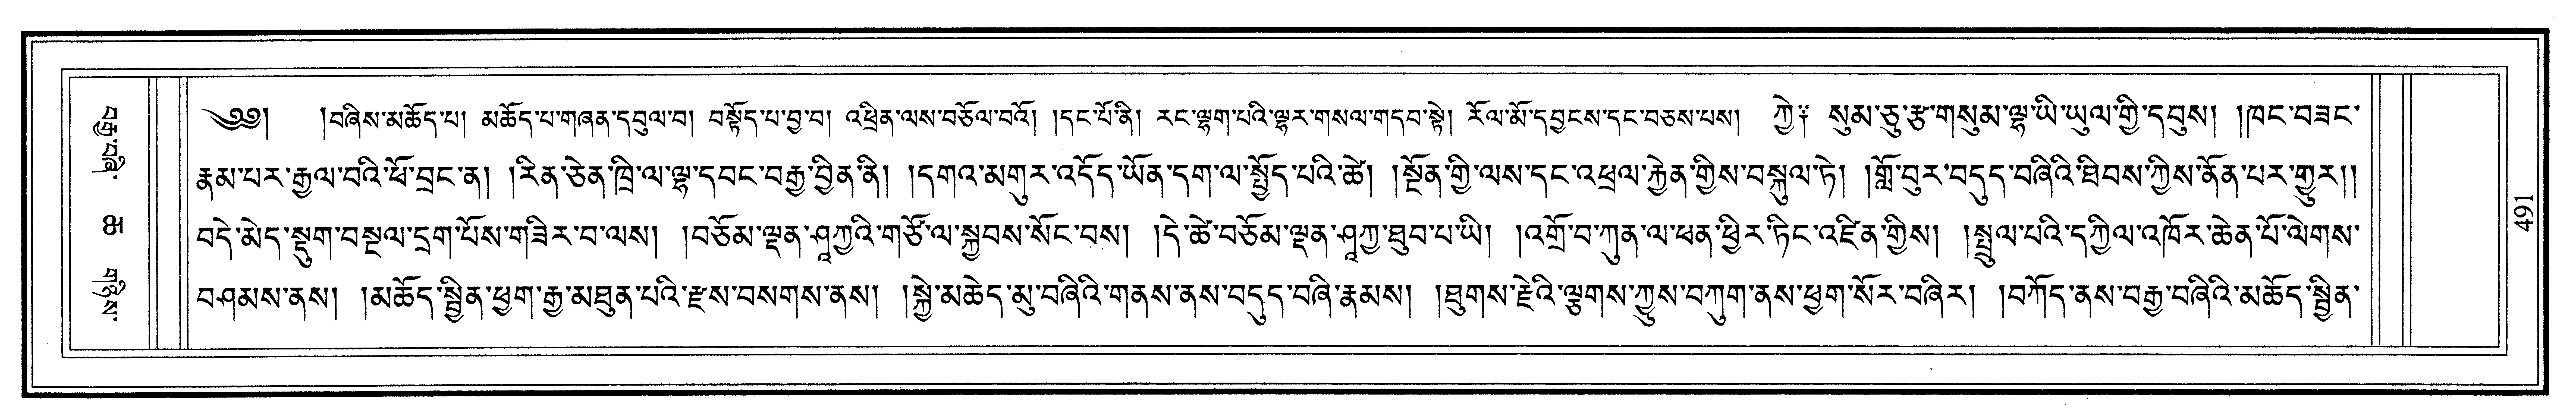༄༅། །བཞིས་མཆོད་པ། མཆོད་པ་གཞན་དབུལ་བ། བསྟོད་པ་བྱ་བ། འཕྲིན་ལས་བཅོལ་བའོ། །དང་པོ་ནི། རང་ལྷག་པའི་ལྷར་གསལ་གདབ་སྟེ། རོལ་མོ་དབྱངས་དང་བཅས་པས། ཀྱེ༑ སུམ་ཅུ་རྩ་གསུམ་ལྷ་ཡི་ཡུལ་གྱི་དབུས། །ཁང་བཟང་
རྣམ་པར་རྒྱལ་བའི་ཕོ་བྲང་ན། །རིན་ཅེན་ཁྲི་ལ་ལྷ་དབང་བརྒྱ་བྱིན་ནི། །དགའ་མགུར་འདོད་ཡོན་དག་ལ་སྤྱོད་པའི་ཚེ། །སྔོན་གྱི་ལས་དང་འཕྲལ་རྐྱེན་གྱིས་བསྐུལ་ཏེ། །གློ་བུར་བདུད་བཞིའི་ཐིབས་ཀྱིས་ནོན་པར་གྱུར།།
བདེ་མེད་སྡུག་བསྔལ་དྲག་པོས་གཟིར་བ་ལས། །བཅོམ་ལྡན་ཤཱཀྱའི་གཙོ་ལ་སྐྱབས་སོང་བས། །དེ་ཚེ་བཅོམ་ལྡན་ཤཱཀྱ་ཐུབ་པ་ཡི། །འགྲོ་བ་ཀུན་ལ་ཕན་ཕྱིར་ཏིང་འཛིན་གྱིས། །སྤྲུལ་པའི་དཀྱིལ་འཁོར་ཆེན་པོ་ལེགས་
བཤམས་ནས། །མཆོད་སྦྱིན་ཕྱག་རྒྱ་མཐུན་པའི་རྫས་བསགས་ནས། །སྐྱེ་མཆེད་མུ་བཞིའི་གནས་ནས་བདུད་བཞི་རྣམས། །ཐུགས་རྗེའི་ལྕགས་ཀྱུས་བཀུག་ནས་ཕྱག་སོར་བཞིར། །བཀོད་ནས་བརྒྱ་བཞིའི་མཆོད་སྦྱིན་